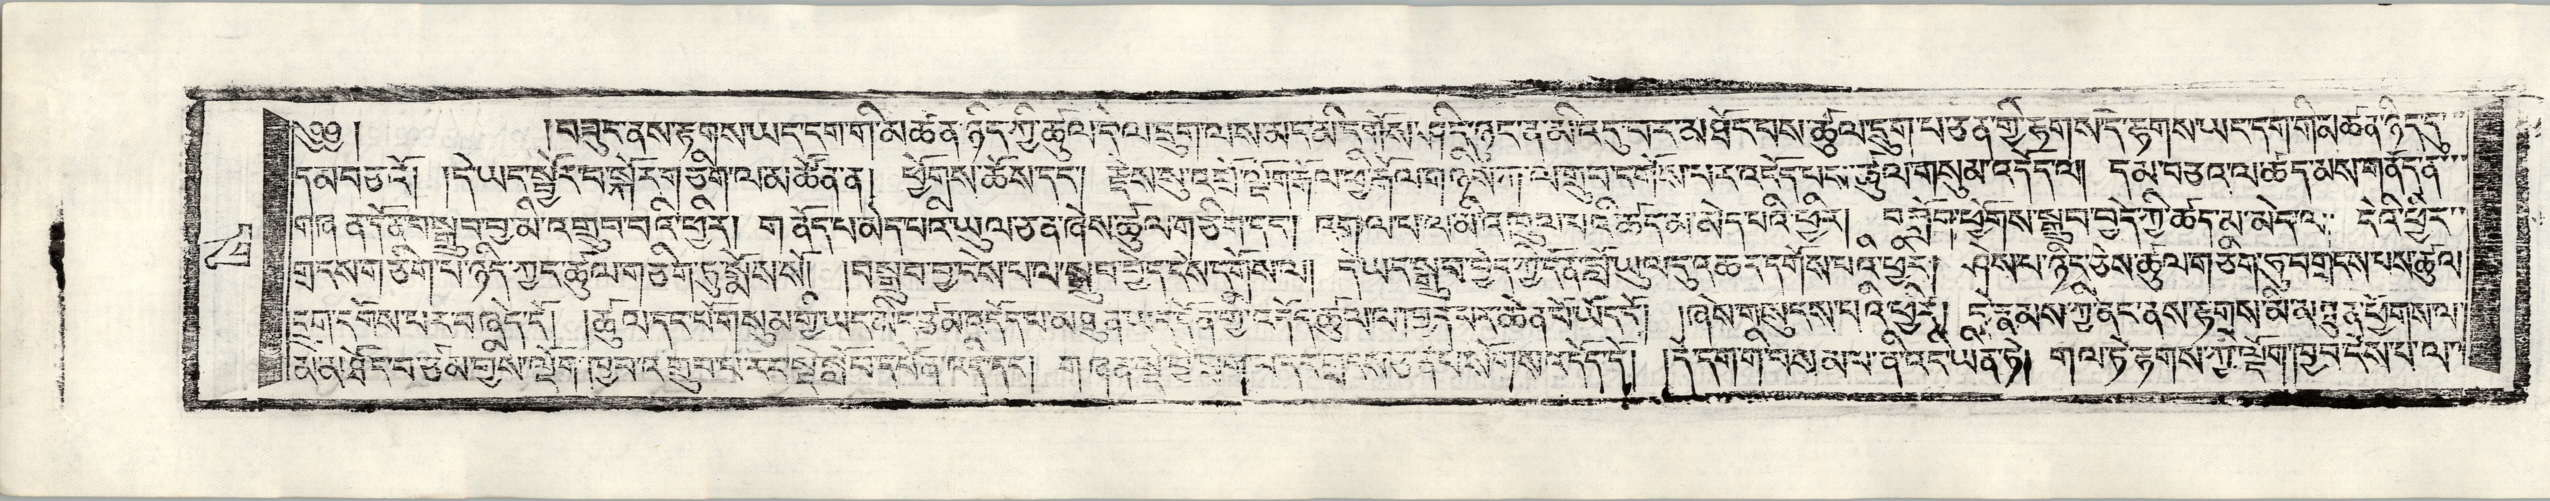༄༅། །བཟུང་ནས་རྟགས་ཡང་དག་གི་མཚན་ཉིད་ཀྱི་ཚུལ་དེ་ལ་དྲུག་ལས་མང་མི་དགོས་ཤིང་ཉུང་ན་མི་འདུ་བར་མཐོང་བས་ཚུལ་དྲུག་པ་ཅན་གྱི་རྟགས་དེ་རྟགས་ཡང་དག་གི་མཚན་ཉིད་དུ་
དམ་བཅའོ། །དེ་ཡང་སྦྱོར་བ་སྐོར་གཅིག་ལ་མཚོན་ན། ཕྱོགས་ཆོས་དང་། རྗེས་སུ་འགྲོ་ལྡོག་རྒོལ་ཕྱི་རྒོལ་གཉིས་ཀ་ལ་གྲུབ་དགོས་པར་འདོད་པས་ཚུལ་གསུམ་འདོད་ལ། དམ་བཅའ་ལ་ཚད་མས་གནོད་ན་
གཞན་དོན་བསྒྲུབ་བྱ་མི་འགྲུབ་པའི་ཕྱིར། གནོད་པ་མེད་པའི་ཡུལ་ཅན་ཞེས་ཚུལ་གཅིག་དང་། འགལ་བ་ལ་མི་འཁྲུལ་བའི་ཚད་མ་མེད་པའི་ཕྱིར། ཟློག་ཕྱོགས་སྒྲུབ་བྱེད་ཀྱི་ཚད་མ་མེད་ལ། དེའི་ཕྱིར་
གྲངས་གཅིག་པ་ཉིད་ཀྱང་ཚུལ་གཅིག་ཏུ་སྨྲས་སོ། །བསྒྲུབ་བྱ་ངེས་པ་ལ་སྒྲུབ་བྱེད་ངེས་དགོས་ལ། དེ་ཡང་སྒྲུབ་བྱེད་ཀྱི་དོན་བློ་ཡུལ་དུ་འཆར་དགོས་པའི་ཕྱིར། ཤེས་པ་ཉིད་ཅེས་ཚུལ་གཅིག་ཏུ་བགྲངས་པས་ཚུལ་
དྲུག་དགོས་པར་བཞེད་དོ། །ཚུལ་དང་པོ་གསུམ་གྱི་ཡང་མིང་ཙམ་འདོད་པ་མཐུན་ཡང་དོན་གྱི་འདོད་ཚུལ་ལ་ཁྱད་པར་ཆེན་པོ་ཡོད་དོ། །ཞེས་གསུངས་པའི་ཕྱིར། དེ་རྣམས་ཀྱི་ནང་ནས་རྟགས་མི་མཐུན་ཕྱོགས་ལ་
མ་མཐོང་བ་ཙམ་གྱིས་ལྡོག་ཁྱབ་འགྲུབ་པ་རང་སྡེ་སློབ་དཔོན་འདི་དང་། གཞན་སྡེ་བྱེ་བྲག་པ་དང་གྲངས་ཅན་པ་སོགས་འདོད་དེ། །དེ་དག་གི་བསམ་པ་ནི་འདི་ཡིན་ཏེ། གལ་ཏེ་རྟགས་ཀྱི་ལྡོག་ཁྱབ་ངེས་པ་ལ་